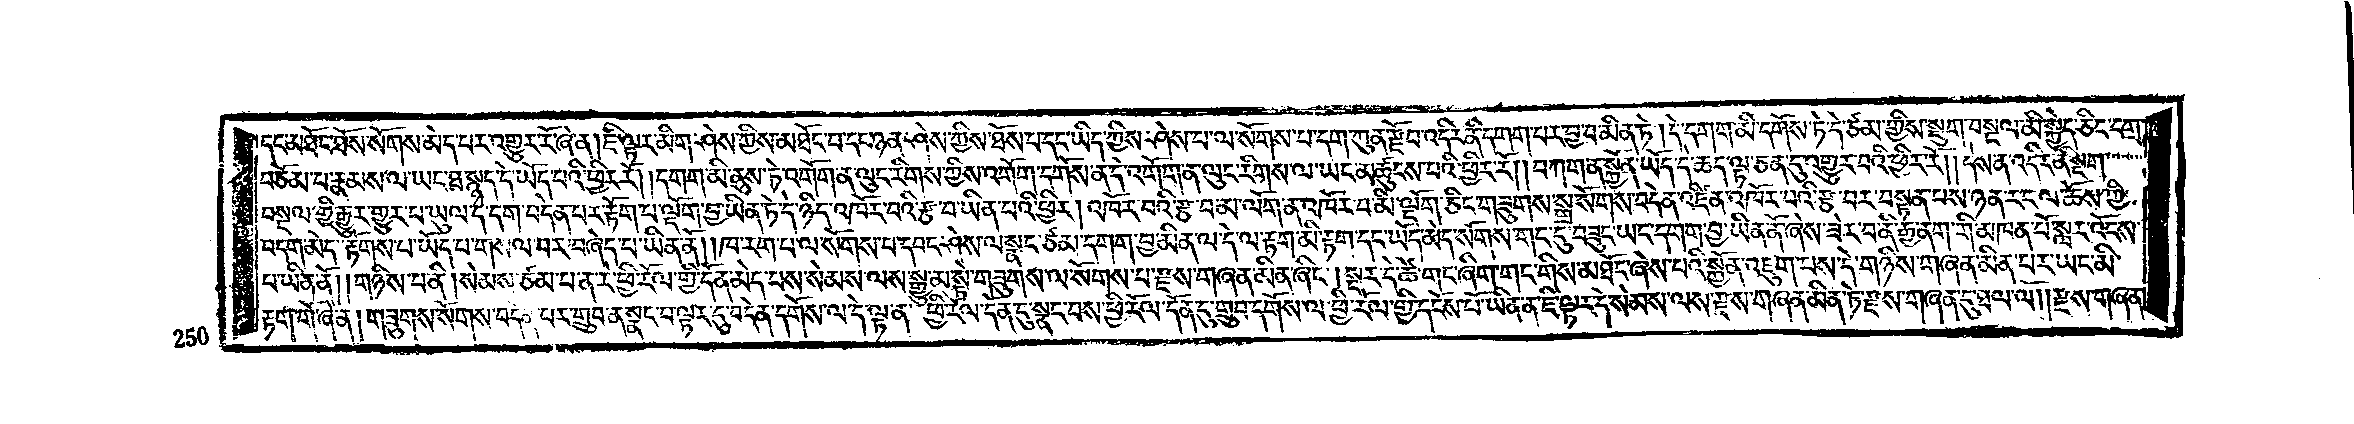དང་མཐོང་ཐོས་སོགས་མེད་པར་འགྱུར་རོ་ཞེ་ན། ཇི་ལྟར་མིག་ཤེས་ཀྱིས་མཐོང་བ་དང་ཉན་ཤེས་ཀྱིས་ཐོས་པ་དང་ཡིད་ཀྱིས་ཤེས་པ་ལ་སོགས་པ་དག་ཀུན་རྫོབ་འདིར་ནི་དགག་པར་བྱ་བ་མིན་ཏེ། དེ་དགག་མི་དགོས་ཏེ་དེ་ཙམ་གྱིས་སྡུག་བསྔལ་མི་སྐྱེད་ཅིང་དགྲ་
བཅོམ་པ་རྣམས་ལ་ཡང་ཐ་སྙད་དེ་ཡོད་པའི་ཕྱིར་རོ། །དགག་མི་ནུས་ཏེ་འགོག་ན་ལུང་རིགས་ཀྱིས་འགོག་དགོས་ན་དེ་འགོག་ན་ལུང་རིགས་ལ་ཡང་མཚུངས་པའི་ཕྱིར་རོ། །བཀག་ནས་སྐྱོན་ཡོད་དེ་ཆད་ལྟ་ཅན་དུ་འགྱུར་བའི་ཕྱིར་རོ། །དེས་ན་འདིར་ནི་སྡུག་
བསྔལ་གྱི་རྒྱུར་གྱུར་པ་ཡུལ་དེ་དག་བདེན་པར་རྟོག་པ་ལྡོག་བྱ་ཡིན་ཏེ་དེ་ཉིད་འཁོར་བའི་རྩ་བ་ཡིན་པའི་ཕྱིར། འཁོར་བའི་རྩ་བ་མ་ལོག་ན་འཁོར་བ་མི་ལྡོག་ཅིང་གཟུགས་སྒྲ་སོགས་བདེན་འཛིན་འཁོར་བའི་རྩ་བར་བསྟན་པས་ཉན་རང་ལ་ཆོས་ཀྱི་
བདག་མེད་རྟོགས་པ་ཡོད་པ་གསལ་བར་བཞེད་པ་ཡིན་ནོ། །ཁ་རག་པ་ལ་སོགས་པ་དབང་ཤེས་ལ་སྣང་ཙམ་དགག་བྱ་མིན་ལ་དེ་ལ་རྟག་མི་རྟག་དང་ཡོད་མེད་སོགས་གང་དུ་བཟུང་ཡང་དགག་བྱ་ཡིན་ནོ་ཞེས་ཟེར་བ་ནི་རྒྱ་ནག་གི་མཁན་པོ་སླར་འོངས་
བ་ཡིན་ནོ། །གཉིས་པ་ནི། སེམས་ཙམ་པ་ན་རེ་ཕྱི་རོལ་གྱི་དོན་མེད་པས་སེམས་ལས་སྒྱུ་མ་སྟེ་གཟུགས་ལ་སོགས་པ་རྫས་གཞན་མིན་ཞིང་། སྔར་དེ་ཚེ་གང་ཞིག་གང་གིས་མཐོང་ཞེས་པའི་སྐྱོན་འཇུག་པས་དེ་གཉིས་གཞན་མིན་པར་ཡང་མི་
རྟག་གོ་ཞེ་ན། གཟུགས་སོགས་བདེན་པར་གྲུབ་ན་སྣང་བ་ལྟར་དུ་བདེན་དགོས་ལ་དེ་ལྟ་ན་ཕྱི་རོལ་དོན་དུ་སྣང་བས་ཕྱིར་རོལ་དོན་དོན་དུ་གྲུབ་དགོས་ལ་ཕྱི་རོལ་གྱི་དངོས་པོ་ཡིན་ན་ཇི་ལྟར་དེ་སེམས་ལས་རྫས་གཞན་མིན་ཏེ་རྫས་གཞན་དུ་ཐལ་ལོ། །རྫས་གཞན་